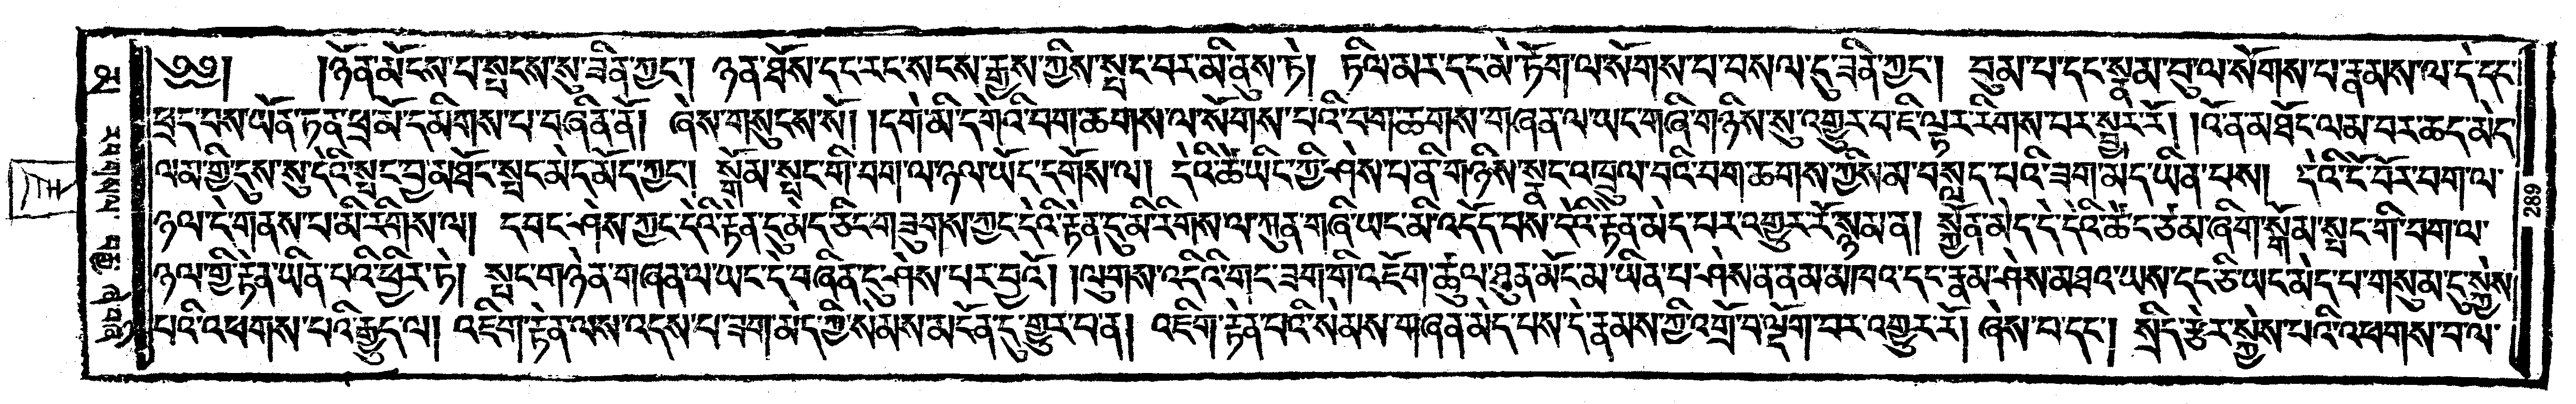ཉོན་མོངས་པ་སྤངས་སུ་ཟིན་ཀྱང་། ཉན་ཐོས་དང་རང་སངས་རྒྱས་ཀྱིས་སྤང་བར་མི་ནུས་ཏེ། ཏིལ་མར་དང་མེ་ཏོག་ལ་སོགས་པ་བསལ་དུ་ཟིན་ཀྱང་། བུམ་པ་དང་སྣམ་བུ་ལ་སོགས་པ་རྣམས་ལ་དེ་དང་
ཕྲད་པས་ཡོན་ཏན་ཕྲ་མོ་དམིགས་པ་བཞིན་ནོ། ཞེས་གསུངས་སོ། །དགེ་མི་དགེའི་བག་ཆགས་ལ་སོགས་པའི་བག་ཆགས་གཞན་ལ་ཡང་གཞི་གཉིས་སུ་འགྱུར་བ་ཇི་ལྟར་རིགས་པར་སྦྱར་རོ། །འོ་ན་མཐོང་ལམ་བར་ཆད་མེད་
ལམ་གྱི་དུས་སུ་དེའི་སྤང་བྱ་མཐོང་སྤང་མེད་མོད་ཀྱང་། སྒོམ་སྤང་གི་བག་ལ་ཉལ་ཡོད་དགོས་ལ། དེའི་ཚེ་ཡིད་ཀྱི་ཤེས་པ་ནི་གཉིས་སྣང་འཁྲུལ་བའི་བག་ཆགས་ཀྱིས་མ་བསླད་པའི་ཟག་མེད་ཡིན་པས། དེའི་ངོ་བོར་བག་ལ་
ཉལ་དེ་གནས་པ་མི་རིགས་ལ། དབང་ཤེས་ཀྱང་དེའི་རྟེན་དུ་མེད་ཅིང་གཟུགས་ཀྱང་དེའི་རྟེན་དུ་མི་རིགས་ལ་ཀུན་གཞི་ཡང་མི་འདོད་པས་དེའི་རྟེན་མེད་པར་འགྱུར་རོ་སྙམ་ན། སྐྱོན་མེད་དེ་དེའི་ཚེ་ང་ཙམ་ཞིག་སྒོམ་སྤང་གི་བག་ལ་
ཉལ་གྱི་རྟེན་ཡིན་པའི་ཕྱིར་ཏེ། སྤང་གཉེན་གཞན་ལ་ཡང་དེ་བཞིན་དུ་ཤེས་པར་བྱའོ། །ལུགས་འདིའི་གང་ཟག་གི་འཇོག་ཚུལ་ཐུན་མོང་མ་ཡིན་པ་ཤེས་ན་ནམ་མཁའ་དང་རྣམ་ཤེས་མཐའ་ཡས་དང་ཅི་ཡང་མེད་པ་གསུམ་དུ་སྐྱེས་
པའི་འཕགས་པའི་རྒྱུད་ལ། འཇིག་རྟེན་ལས་འདས་པ་ཟག་མེད་ཀྱི་སེམས་མངོན་དུ་གྱུར་པ་ན། འཇིག་རྟེན་པའི་སེམས་གཞན་མེད་པས་དེ་རྣམས་ཀྱི་འགྲོ་བ་ལྡོག་པར་འགྱུར་རོ། ཞེས་པ་དང་། སྲིད་རྩེར་སྐྱེས་པའི་འཕགས་པ་ལ་